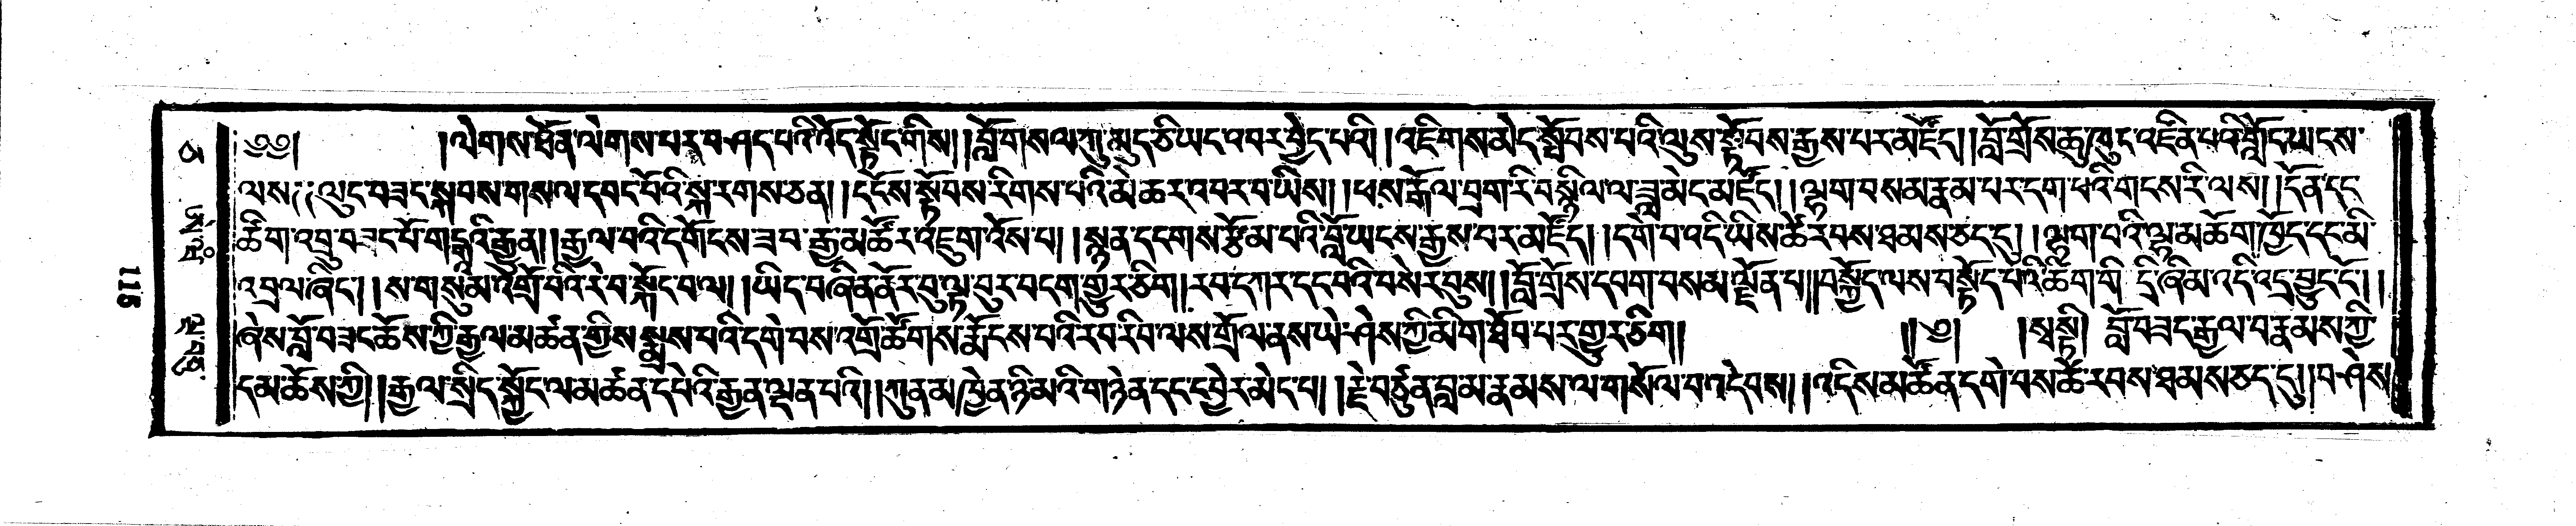༄༅། །ལེགས་ཐོན་ལེགས་པར་བཤད་པའི་འོད་སྟོང་གིས། །བློ་གསལ་ཀུ་མུད་ཅི་ཡང་འབར་བྱེད་པའི། །འཇིགས་མེད་སྤོབས་པའི་ལུས་སྟོབས་རྒྱས་པར་མཛོད། །བློ་གྲོས་ཆུ་ཁུར་འཛིན་པའི་གློང་ཡངས་
ལས༑ ༑ལུང་བཟང་སྐབས་གསལ་དབང་པོའི་སྐ་རགས་ཅན། །དངོས་སྟོབས་རིགས་པའི་མེ་ཆར་འབར་བ་ཡིས། །ཕས་རྒོལ་བྲག་རི་བསྙིལ་ལ་ཟླ་མེད་མཛོད། །ལྷག་བསམ་རྣམ་པར་དག་པའི་གངས་རི་ལས། །དོན་དང་
ཚིག་འབྲུ་བཟང་པོ་གངྒཱའི་རྒྱུན། །རྒྱལ་བའི་དགོངས་ཟབ་རྒྱ་མཚོར་འཇུག་འོས་པ། །སྙན་དངགས་རྩོམ་པའི་བློ་ཡངས་རྒྱས་པར་མཛོད། །དགེ་བ་འདི་ཡིས་ཚེ་རབས་ཐམས་ཅད་དུ། །ལྷག་པའི་ལྷ་མཆོག་ཁྱོད་དང་མི་
འབྲལ་ཞིང་། །ས་གསུམ་འགྲོ་བའི་རེ་བ་སྐོང་བ་ལ། །ཡིད་བཞིན་ནོར་བུ་ལྟ་བུར་བདག་གྱུར་ཅིག །རབ་དཀར་དང་བའི་བསེར་བུས། །བློ་གྲོས་དཔག་བསམ་ལྗོན་པ། །བསྐྱོད་ལས་བསྟོད་པའི་ཚིག་གི །དྲི་ཞིམ་འདི་འདྲ་བྱུང་ངོ། །
ཞེས་བློ་བཟང་ཆོས་ཀྱི་རྒྱལ་མཚན་གྱིས་སྨྲས་པའི་དགེ་བས་འགྲོ་ཚོགས་རྨོངས་པའི་རབ་རིབ་ལས་གྲོལ་ནས་ཡེ་ཤེས་ཀྱི་མིག་ཐོབ་པར་གྱུར་ཅིག ། །།